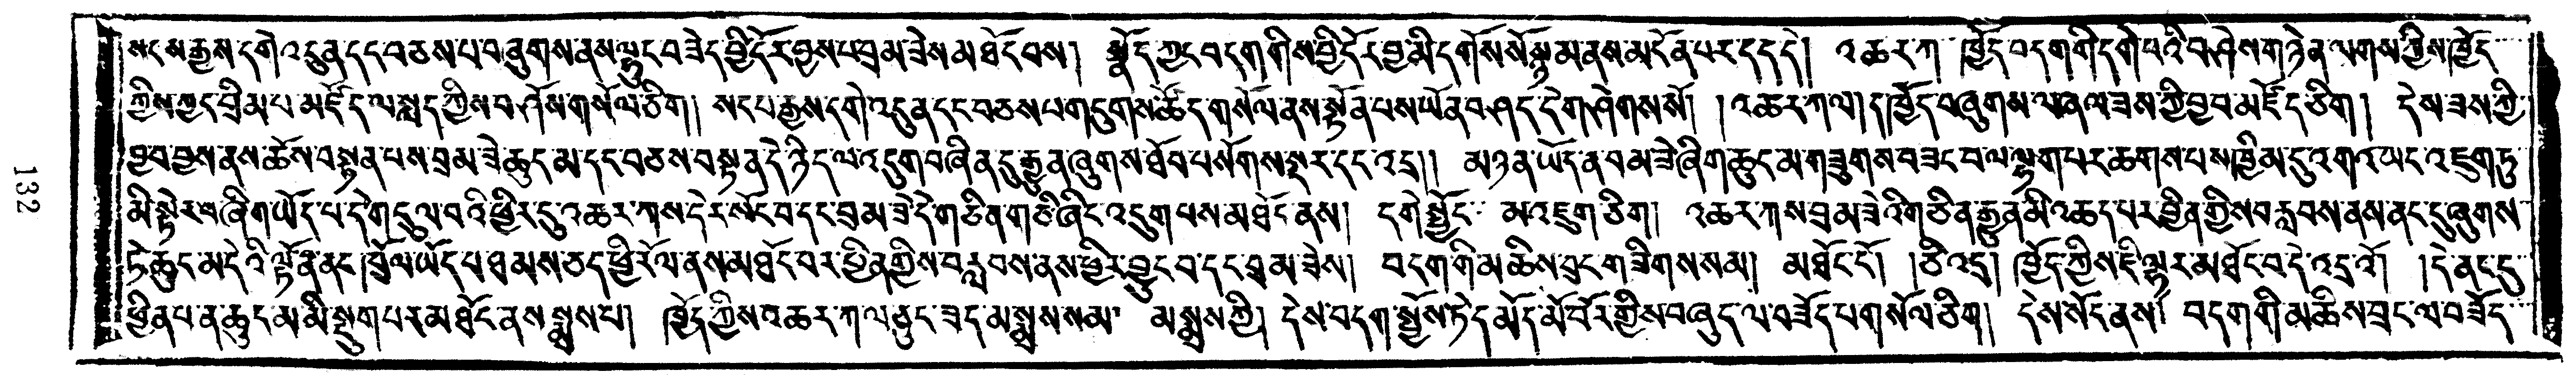སངས་རྒྱས་དགེ་འདུན་དང་བཅས་པ་བཞུགས་ནས་ལྷུང་བཟེད་བྱི་དོར་བྱས་པ་བྲམ་ཟེས་མཐོང་བས། སྣོད་ཀྱང་བདག་གིས་བྱི་དོར་བྱ་མི་དགོས་སོ་སྙམ་ནས་མངོན་པར་དད་དེ། འཆར་ཀ་ཁྱོད་བདག་གི་དགེ་པའི་བཤེས་གཉེན་ལགས་ཀྱིས་ཁྱོད་
ཀྱིས་ཀྱང་བྲིམ་པ་མཛོད་ལ་སླད་ཀྱིས་བཤོས་གསོལ་ཅིག། སང་པ་རྒྱས་དགེ་འདུན་དང་བཅས་པ་གདུགས་ཚོད་གསོལ་ནས་སྟོན་པས་ཡོན་བཤད་དེ་གཤེགས་སོ། །འཆར་ཀ་ལ། ད་ཁྱོད་བཞུགས་ལ་ཞལ་ཟས་ཀྱི་བྱ་བ་མཛོད་ཅིག། དེས་ཟས་ཀྱི་
བྱ་བ་བྱས་ནས་ཆོས་བསྟན་པས་བྲམ་ཟེ་ཆུད་མ་དང་བཅས་བསྟན་དེ་ཉིད་ལ་འདུག་བཞིན་དུ་རྒྱུན་ཞུགས་ཐོབ་པ་སོགས་སྔར་དང་འདྲ།། མཉན་ཡོད་ན་བམ་ཟེ་ཞིག་ཆུང་མ་གཟུགས་བཟང་བ་ལ་ལྷག་པར་ཆགས་པས་ཁྱིམ་དུ་འགའ་ཡང་འཇུག་ཏུ་
མི་སྟེར་བ་ཞིག་ཡོད་པ་དེར་གདུལ་བའི་ཕྱིར་དུ་འཆར་ཀས་དེར་སོང་བ་དང་བྲམ་ཟེ་དེ་གཅིན་གཅི་ཞིང་འདུག་པས་མཐོང་ནས། དགེ་སྦྱོང་མ་འཇུག་ཅིག། འཆར་ཀས་བྲམ་ཟེའི་གཅིན་རྒྱུན་མི་འཆད་པར་བྱིན་གྱིས་བརླབས་ནས་ནང་དུ་ཞུགས་
ཏེ་ཆུང་མ་དེའི་ལྟོན་ནང་ཁྲོལ་ཡོད་པ་ཐམས་ཅད་ཕྱི་རོལ་ནས་མཐོང་བར་བྱིན་གྱིས་བརླབས་ནས་ཕྱིར་བྱུང་བ་དང་བྲམ་ཟེས། བདག་གི་མཆིས་བྲང་གཟིགས་སམ། མཐོང་ངོ། །ཅི་འདྲ། ཁྱོད་ཀྱིས་ཇི་ལྟར་མཐོང་བ་དེ་འདྲ་འོ། །དེ་ནང་དུ་
ཕྱིན་པ་ན་ཆུང་མ་མི་སྡུག་པར་མཐོང་ནས་སྨྲས་པ། ཁྱོད་ཀྱིས་འཆར་ཀ་ལ་ཅུང་ཟད་མ་སྨྲས་སམ། མ་སྨྲས་ཀྱི། དེས་བདག་སྤྱོས་ཏེ་དམོད་མོ་བོར་གྱིས་བཞུད་ལ་བཟོད་པ་གསོལ་ཅིག། དེས་སོང་ནས། བདག་གི་མཆིས་བྲང་ལ་བཟོད་